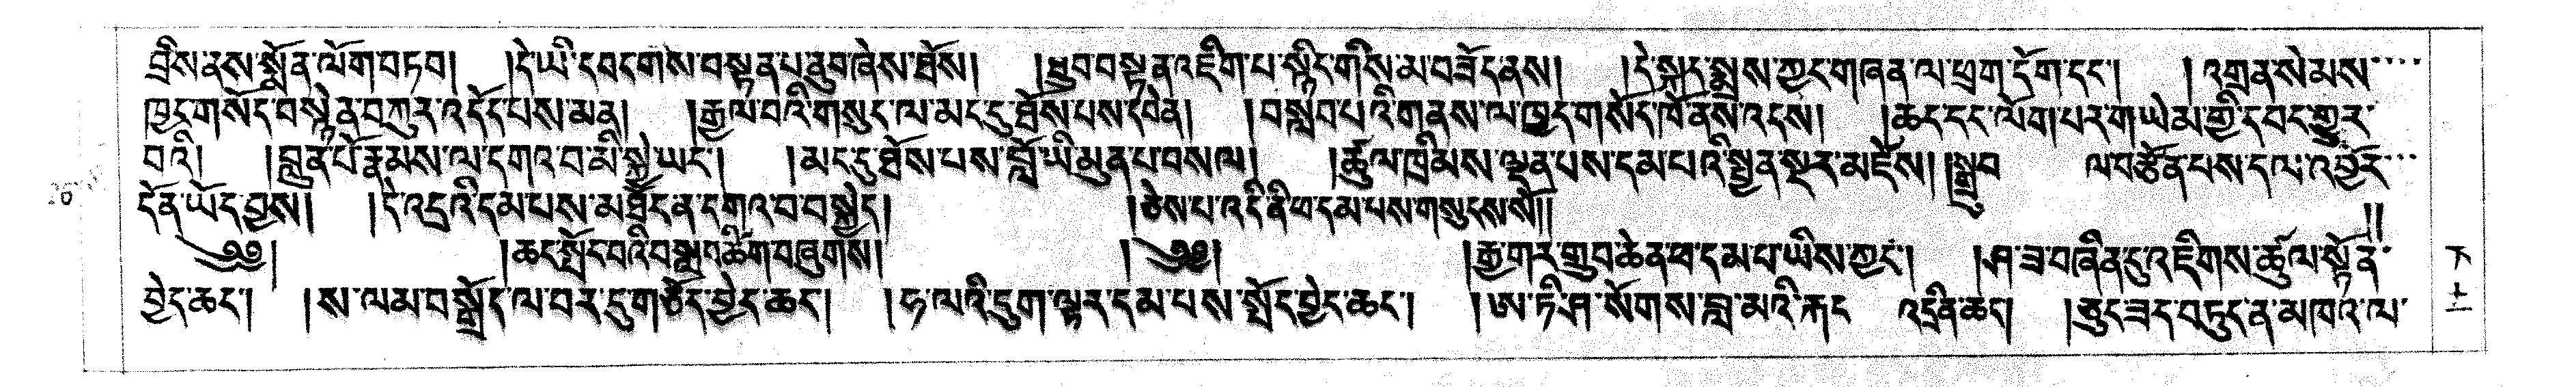བྲིས་ནས་སྨོན་ལོག་བཏབ། །དེ་ཡི་དབང་གིས་བསྟན་པ་ནུབ་ཞེས་ཐོས། །ཐུབ་བསྟན་འཇིག་པ་སྙིང་གིས་མ་བཟོད་ནས། །དེ་སྐད་སྨྲས་ཀྱང་གཞན་ལ་ཕྲག་དོག་དང་། །འགྲན་སེམས་
ཁྱང་གསོད་བསྙེན་བཀུར་འདོད་པས་མན། །རྒྱལ་བའི་གསུང་ལ་མང་དུ་ཐོས་པས་དབེན། །བསླབ་པའི་གནས་ལ་ཁྱད་གསོད་ཁོ་ནས་འདས། །ཆང་དང་ལོག་པར་གཡེམ་གྱི་དབང་གྱུར་
བའི། །བླུན་པོ་རྣམས་ལ་དགའ་བ་མི་སྐྱེ་ཡང་། །མང་དུ་ཐོས་པས་བློ་ཡི་མུན་པ་བསལ། །ཚུལ་ཁྲིམས་ལྡན་པས་དམ་པའི་སྤྱན་སྔར་མཛེས། །སྒྲུབ་ལ་བརྩོན་པས་དལ་འབྱོར་
དོན་ཡོད་བྱས། །དེ་འདྲའི་དམ་པས་མཐོང་ན་དགའ་བ་བསྐྱེད། །ཅེས་པ་འདི་ནི་ཕ་དམ་པས་གསུངས་སོ།། །།
༄༅། །ཆང་སྤོང་བའི་བསླབ་ཚིག་བཞུགས། །༄༅། །རྒྱ་གར་གྲུབ་ཆེན་ཕ་དམ་པ་ཡིས་ཀྱང་། །ཤ་ཟ་བཞིན་དུ་འཇིགས་ཚུལ་སྟོན་
བྱེད་ཆང་། །ས་ལམ་བསྒྲོད་ལ་བར་དུ་གཅོད་བྱེད་ཆང་། །ལྷ་ལའི་དུག་ལྟར་དམ་པས་སྤོང་བྱེད་ཆང་། །ཨ་ཏི་ཤ་སོགས་བླ་མའི་རྐང་འདྲིན་ཆང་། །ཅུང་ཟད་བཏུད་ན་མཁའ་ལ་